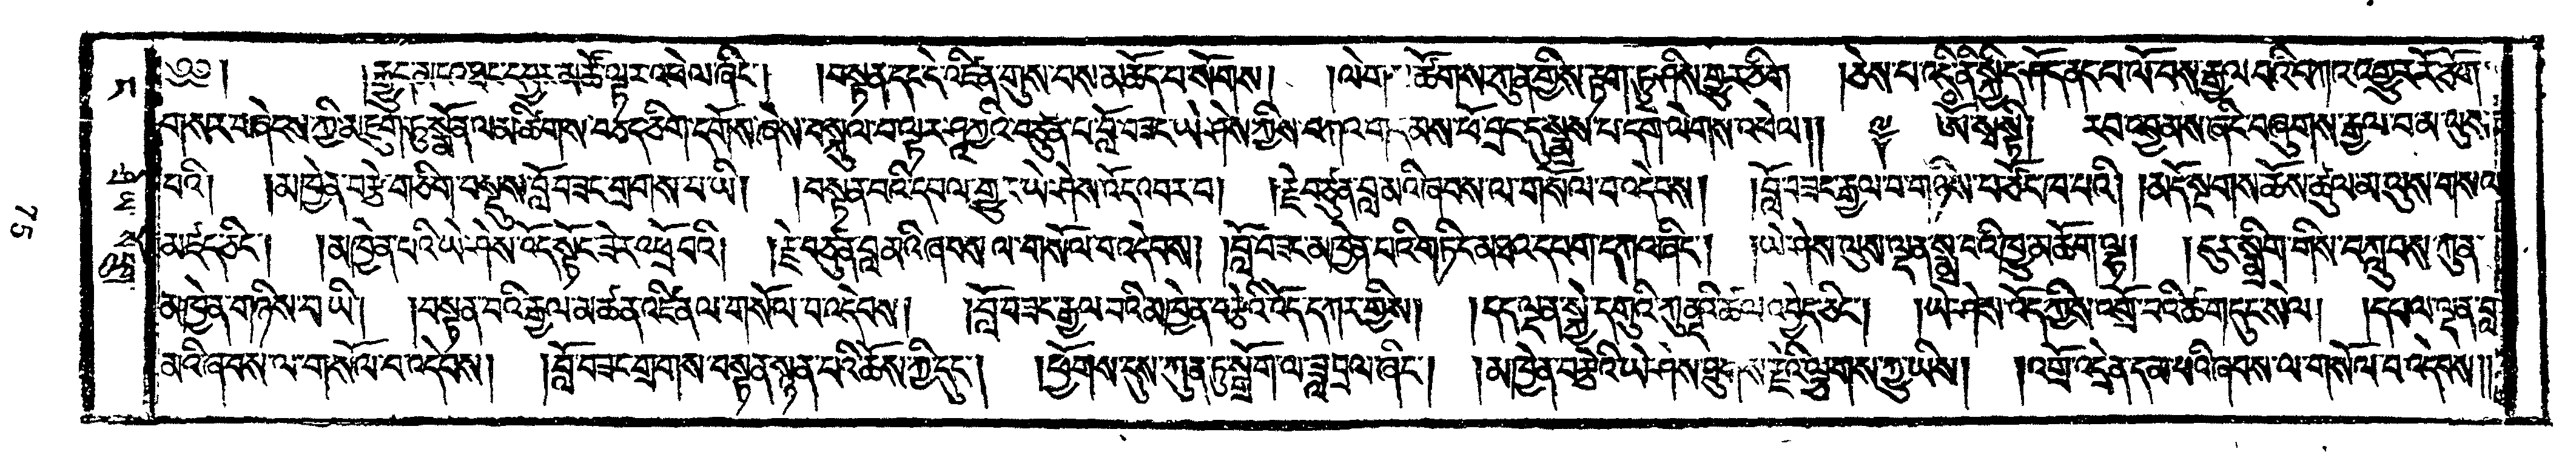༄༅། །རྒྱུད་མངའ་ཐང་དབྱར་མཚོ་ལྟར་འཕེལ་ཞིང་། །བསྟན་དང་དེ་འཛིན་གུས་བས་མཆོད་པ་སོགས། །ལེགས་ཚོགས་ཀུན་གྱིས་རྟག་ཏུ་ཤིས་གྱུར་ཅིག །ཅེས་པ་འདི་ནི་སྐྱིད་ཤོད་ནང་བ་ལོ་བས་རྒྱལ་བའི་བཀའ་འགྱུར་རོ་ཅོག་
གསར་བཞེངས་ཀྱི་མཇུག་ཏུ་སྨོན་ལམ་ཚིགས་བཅད་ཅིག་དགོས་ཞེས་བསྐུལ་བ་ལྟར་ཤཱཀྱའི་བཙུན་པ་བློ་བཟང་ཡེ་ཤེས་ཀྱིས་བཀའ་གདམས་ཕོ་བྲང་དུ་སྨྲས་པ་དགེ་ལེགས་འཕེལ།། ༈ ཨོཾ་སྭསྟི། རབ་འབྱམས་ཞིང་བཞུགས་རྒྱལ་བ་མ་ལུས་
པའི། །མཁྱེན་བརྩེ་གཅིག་བསྡུས་བློ་བཟང་གྲགས་པ་ཡི། །བསྟན་བའི་དཔལ་གྱུར་ཡེ་ཤེས་འོད་འབར་བ། །རྗེ་བཙུན་བླ་མའི་ཞབས་ལ་གསོལ་བ་འདེབས། །བློ་བཟང་རྒྱལ་བ་གཉིས་པ་ཙོང་ཁ་པའི། །མདོ་སྔགས་ཆོས་ཚུལ་མ་ལུས་གསལ་
མཛད་ཅིང་། །མཁྱེན་པའི་ཡེ་ཤེས་འོད་སྟོང་ཟེར་འཕྲོ་བའི། །རྗེ་བཙུན་བླ་མའི་ཞབས་ལ་གསོལ་བ་འདེབས། །བློ་བཟང་མཁྱེན་པའི་གཏིང་མཐའ་དཔག་དཀའ་ཞིང་། །ཡེ་ཤེས་ལུས་ལྡན་སྨྲ་བའི་ཁྱུ་མཆོག་ལྷ། །དུར་སྨྲིག་གིས་བཀླུབས་ཀུན་
མཁྱེན་གཉིས་བ་ཡི། །བསྟན་བའི་རྒྱལ་མཚན་འཛིན་ལ་གསོལ་བ་འདེབས། །བློ་བཟང་རྒྱལ་བའི་མཁྱེན་བརྩེའི་འོད་དཀར་གྱིས། །དད་ལྡན་སྐྱེ་དགུའི་ཀུནྡའི་ཚལ་འབྱེད་ཅིང་། །ཡེ་ཤེས་འོད་ཀྱིས་འགྲོ་བའི་ཚ་གདུང་སེལ། །དཔལ་ལྡན་བླ་
མའི་ཞབས་ལ་གསོལ་བ་འདེབས། །བློ་བཟང་གྲགས་བསྟན་སྙན་པའི་ཆོས་ཀྱི་དུང་། །ཕྱོགས་དུས་ཀུན་ཏུ་སྒྲོག་ལ་ཟླ་བྲལ་ཞིང་། །མཁྱེན་བརྩེའི་ཡེ་ཤེས་ཐུགས་རྗེའི་ལྕགས་ཀྱུ་ཡིས། །འགྲོ་འདྲེན་དམ་པའི་ཞབས་ལ་གསོལ་བ་འདེབས། །